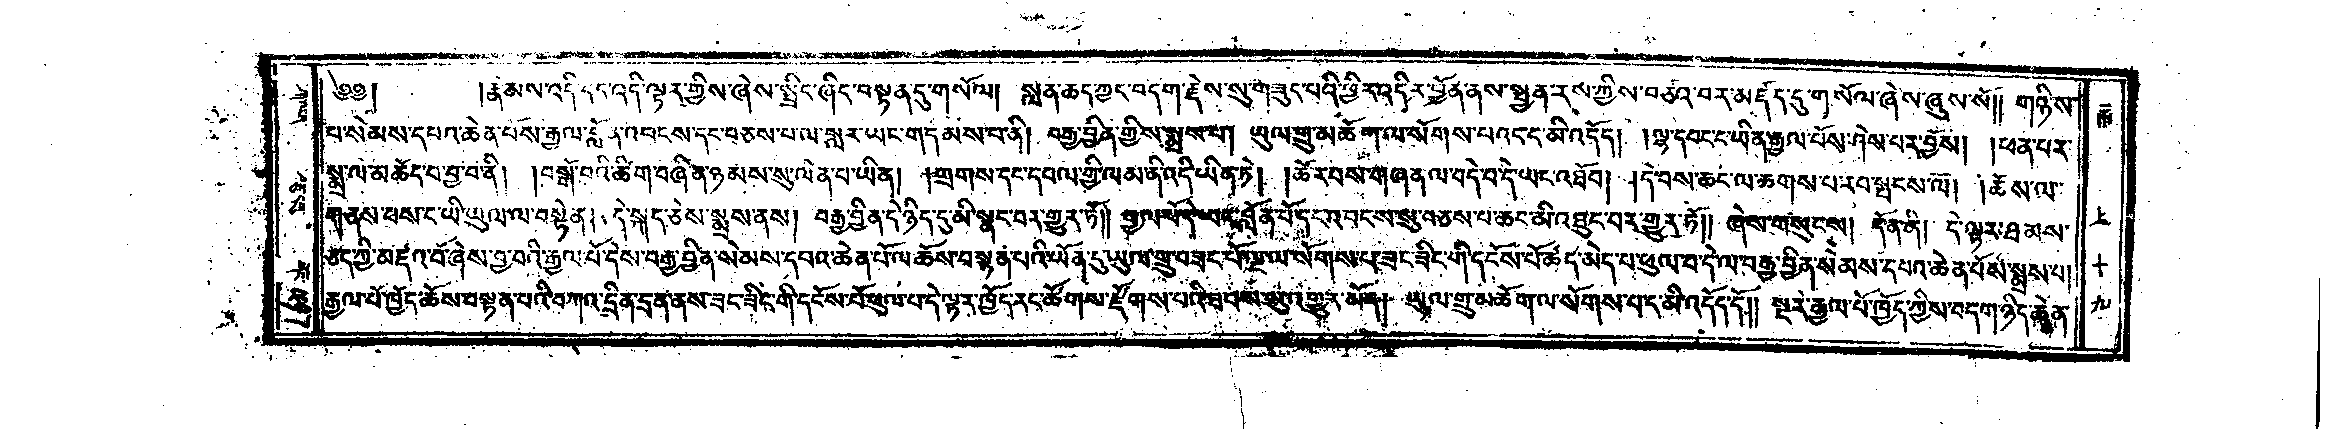༄༅། །རྣམས་འདི་དང་འདི་ལྟར་གྱིས་ཞེས་སྤྲིང་ཞིང་བསྟན་དུ་གསོལ། སླན་ཆད་ཀྱང་བདག་རྗེས་སུ་གཟུང་པའི་ཕྱིར་འདིར་བྱོན་ནས་སྤྱན་རས་ཀྱིས་བཙའ་བར་མཛད་དུ་གསོལ་ཞེས་ཞུས་སོ།། གཉིས་
པ་སེམས་དཔའ་ཆེན་པོས་རྒྱལ་བློན་འབངས་དང་བཅས་པ་ལ་སླར་ཡང་གདམས་པ་ནི། བརྒྱ་བྱིན་གྱིས་སྨྲས་པ། ཡུལ་གྲུ་མཆོག་ལ་སོགས་པའང་ང་མི་འདོད། །ལྷ་དབང་ང་ཡིན་རྒྱལ་པོས་ཤེས་པར་བྱོས། །ཕན་པར་
སྨྲ་ལ་མཆོད་པ་བྱ་བ་ནི། །བསྒོ་བའི་ཚིག་བཞིན་ཉམས་སུ་ལེན་པ་ཡིན། །གྲགས་དང་དཔལ་གྱི་ལམ་ནི་འདི་ཡིན་ཏེ། །ཚེ་རབས་གཞན་ལ་བདེ་བ་དེ་ཡང་འཐོབ། །དེ་བས་ཆང་ལ་ཆགས་པ་རབ་སྤངས་ལ། །ཆོས་ལ་
གནས་པས་ང་ཡི་ཡུལ་ལ་བསྟེན། དེ་སྐད་ཅེས་སྨྲས་ནས། བརྒྱ་བྱིན་དེ་ཉིད་དུ་མི་སྣང་བར་གྱུར་ཏོ།། རྒྱལ་པོ་དེ་ཡང་བློན་པོ་དང་འབངས་སུ་བཅས་པ་ཆང་མི་འཐུང་བར་གྱུར་ཏོ།། ཞེས་གསུངས། དོན་ནི། དེ་ལྟར་ཐམས་
ཅད་ཀྱི་མཛའ་བོ་ཞེས་བྱ་བའི་རྒྱལ་པོ་དེས་བརྒྱ་བྱིན་སེམས་དཔའ་ཆེན་པོ་ལ་ཆོས་བསྟན་པའི་ཡོན་དུ་ཡུལ་གྲུ་བཟང་པོ་ལྔ་ལ་སོགས་པ་ཟང་ཟིང་གི་དངོས་པོ་ཚད་མེད་པ་ཕུལ་བ་དེ་ལ་བརྒྱ་བྱིན་སེམས་དཔའ་ཆེན་པོས་སྨྲས་པ་
རྒྱལ་པོ་ཁྱོད་ཆོས་བསྟན་པའི་བཀའ་དྲིན་དྲན་ནས་ཟང་ཟིང་གི་དངོས་པོ་ཕུལ་པ་དེ་ལྟར་ཁྱོད་རང་ཚོགས་རྫོགས་པའི་ཐབས་སུ་འགྱུར་མོད། ཡུལ་གྲུ་མཆོག་ལ་སོགས་པ་ང་མི་འདོད་དོ།། སྔར་རྒྱལ་པོ་ཁྱོད་ཀྱིས་བདག་ཉིད་ཆེན་